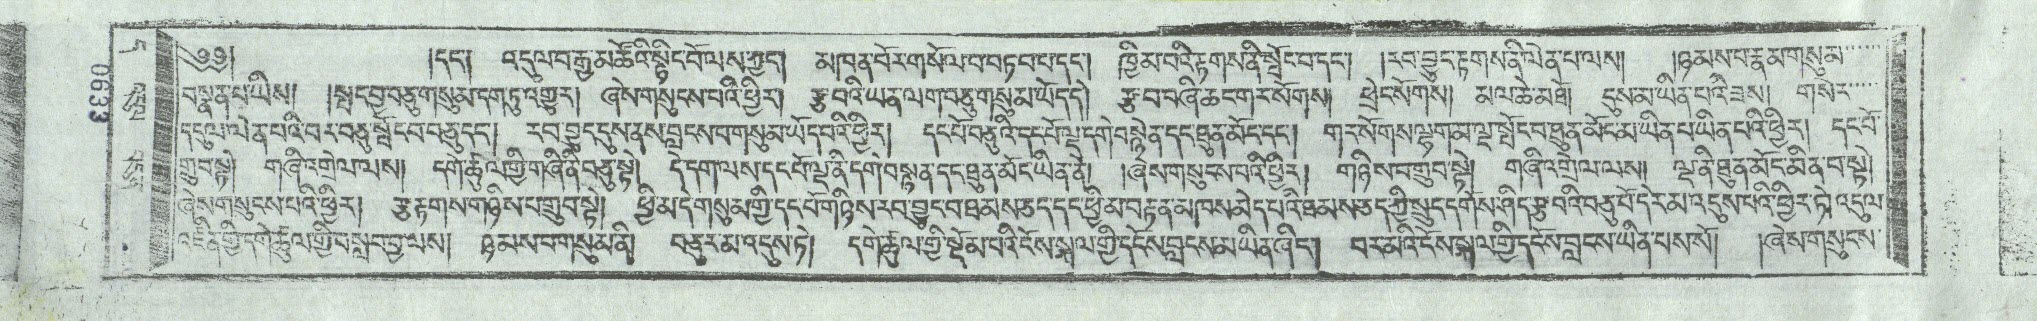༄༅། །དང༑ འདུལ་བ་རྒྱ་མཚོའི་སྙིང་པོ་ལས་ཀྱང་། མཁན་པོར་གསོལ་བ་བཏབ་པ་དང་། ཁྱིམ་པའི་རྟགས་ནི་སྤོང་བ་དང་། །རབ་བྱུང་རྟགས་ནི་ལེན་པ་ལས། །ཉམས་པ་རྣམ་གསུམ་
བསྣན་པ་ཡིས། །སྤང་བྱ་བཅུ་གསུམ་དག་ཏུ་འགྱུར། ཞེས་གསུངས་པའི་ཕྱིར། རྩ་བའི་ཡན་ལག་བཅུ་གསུམ་ཡོད་དེ། རྩ་བ་བཞི་ཆང་གར་སོགས། ཕྲེང་སོགས། མལ་ཆེ་མཐོ། དུས་མ་ཡིན་པའི་ཟས། གསེར་
དངུལ་ལེན་པའི་བར་བཅུ་སྤོང་བ་བཅུ་དང་། རབ་བྱུང་དུས་ནས་བླངས་པ་གསུམ་ཡོད་པའི་ཕྱིར། དང་པོ་བཅུའི་དང་པོ་ལྔ་དགེ་བསྙེན་དང་ཐུན་མོང་དང་། གར་སོགས་ལྷག་མ་ལྔ་སྤོང་བ་ཐུན་མོང་མ་ཡིན་པ་ཡིན་པའི་ཕྱིར། དང་པོ་
གྲུབ་སྟེ། གཞི་འགྲེལ་ལས། དགེ་ཚུལ་གྱི་གཞི་ནི་བཅུ་སྟེ། དེ་དག་ལས་དང་པོ་ལྔ་ནི་དགེ་བསྙན་དང་ཐུན་མོང་ཡིན་ནོ། །ཞེས་གསུངས་པའི་ཕྱིར། གཉིས་པ་གྲུབ་སྟེ། གཞི་འགྲེལ་ལས། ལྔ་ནི་ཐུན་མོང་མིན་པ་སྟེ།
ཞེས་གསུངས་པའི་ཕྱིར། རྩ་རྟགས་གཉིས་པ་གྲུབ་སྟེ། ཕྱི་མ་དེ་གསུམ་གྱི་དང་པོ་གཉིས་རབ་བྱུང་བ་ཐམས་ཅད་དང་ཕྱི་མ་བརྟན་མཁས་མེད་པའི་ཐམས་ཅད་ཀྱི་སྲུང་དགོས་ཤིང་རྩ་བའི་བཅུ་པོ་དེར་མ་འདུས་པའི་ཕྱིར་ཏེ། འདུལ་
འཛིན་གྱི་དགེ་ཚུལ་གྱི་བསླབ་བྱ་ལས། ཉམས་པ་གསུམ་ནི། བཅུར་མ་འདུས་ཏེ། དགེ་ཚུལ་གྱི་སྡོམ་པའི་ངོས་སྐལ་གྱི་དངོས་བླངས་མ་ཡིན་ཞིང་། བར་མའི་ངོས་སྐལ་གྱི་དངོས་བླངས་ཡིན་པས་སོ། །ཞེས་གསུངས་